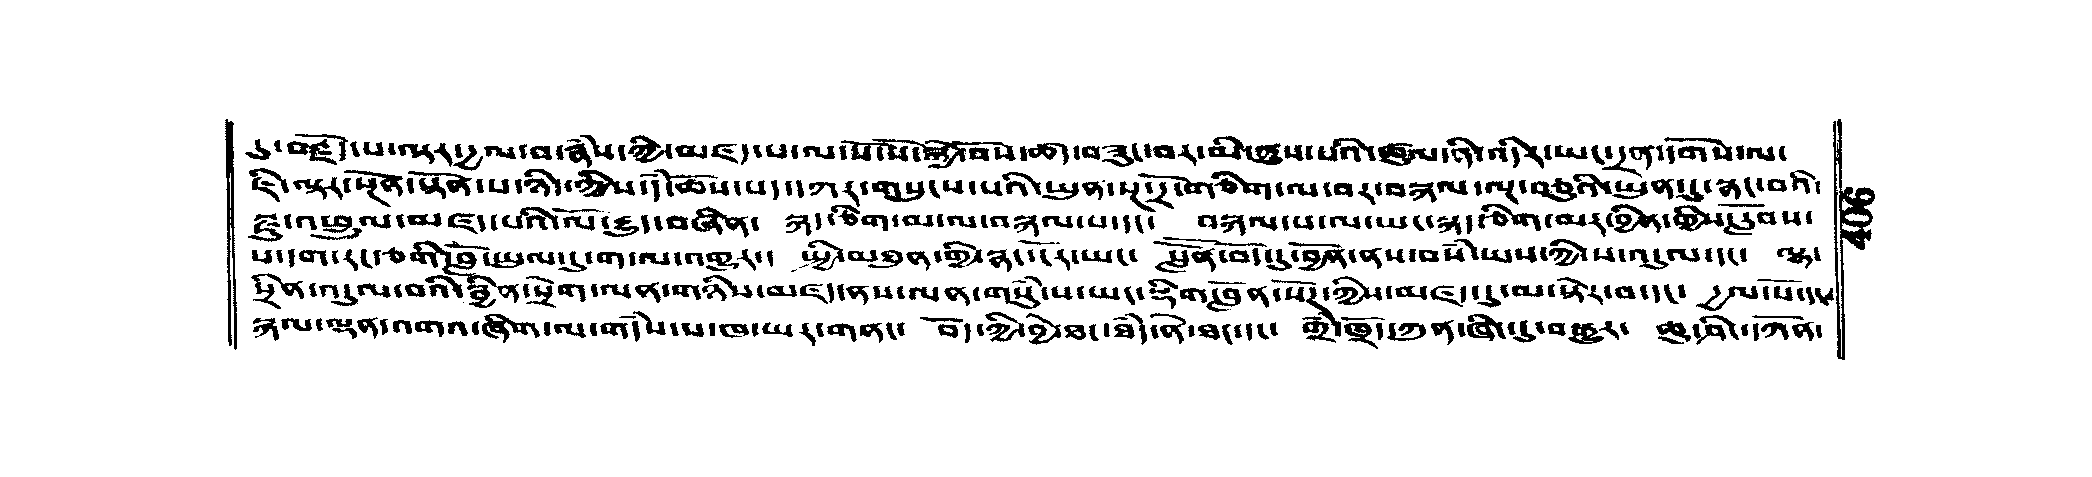དུ་བརྗོད་པ་ལྟར་རྒྱལ་བ་རྣམས་ཀྱི་མཛད་པ་ལ་སོ་སོ་སྐྱེ་བོས་ཚད་བཟུང་བར་མི་ནུས་པའི་ཚུལ་ནི་འདིར་ཡང་དྲན་དགོས་ལ། 
ཇི་ལྟར་སྔོན་སྟོན་པ་ཉིད་ཀྱིས་དམ་ཆོས་པད་དཀར་གསུངས་པའི་ཡུན་སྔ་དྲོ་གཅིག་ལ་བར་བསྐལ་ལྔ་བཅུའི་ཡུན་དུ་སྣང་བའི་
རྫུ་འཕྲུལ་མཛད་པའི་ལོ་རྒྱུས་བཞིན། སྐད་ཅིག་མ་ལ་བསྐལ་པ་དང་། བསྐལ་པ་ལ་ཡང་སྐད་ཅིག་མར་བྱིན་གྱིས་རློབ་པ་
དག་རང་ཅག་གི་བློ་ཡུལ་དུ་ག་ལ་འགྱུར། སྤྱི་མཐུན་གྱི་སྣང་ངོར་ཡང་། སློབ་དཔོན་བོད་དུ་བྱོན་ནས་བསམ་ཡས་ཀྱི་ས་འདུལ་དང་། ལྷ་
སྲིན་འདུལ་བའི་སྦྱིན་སྲེག་ལན་གཉིས་མཛད་ནས་ལན་གསུམ་པ་ཡང་སྡིག་བློན་སོགས་ཀྱིས་མཛད་དུ་མ་སྟེར་བ་དང་། རྒྱལ་པོ་དང་
སྐལ་ལྡན་འགའ་ཞིག་ལ་གདམས་པ་ཁ་ཡར་གནང་། བོད་ཀྱི་བྱེ་ཐང་ཐམས་ཅད་ནེ་ཐང་དང་། གྲམ་ཁྲོད་ཀུན་ཞིང་དུ་བསྒྱུར། ཆུ་ཤིང་དཀོན་